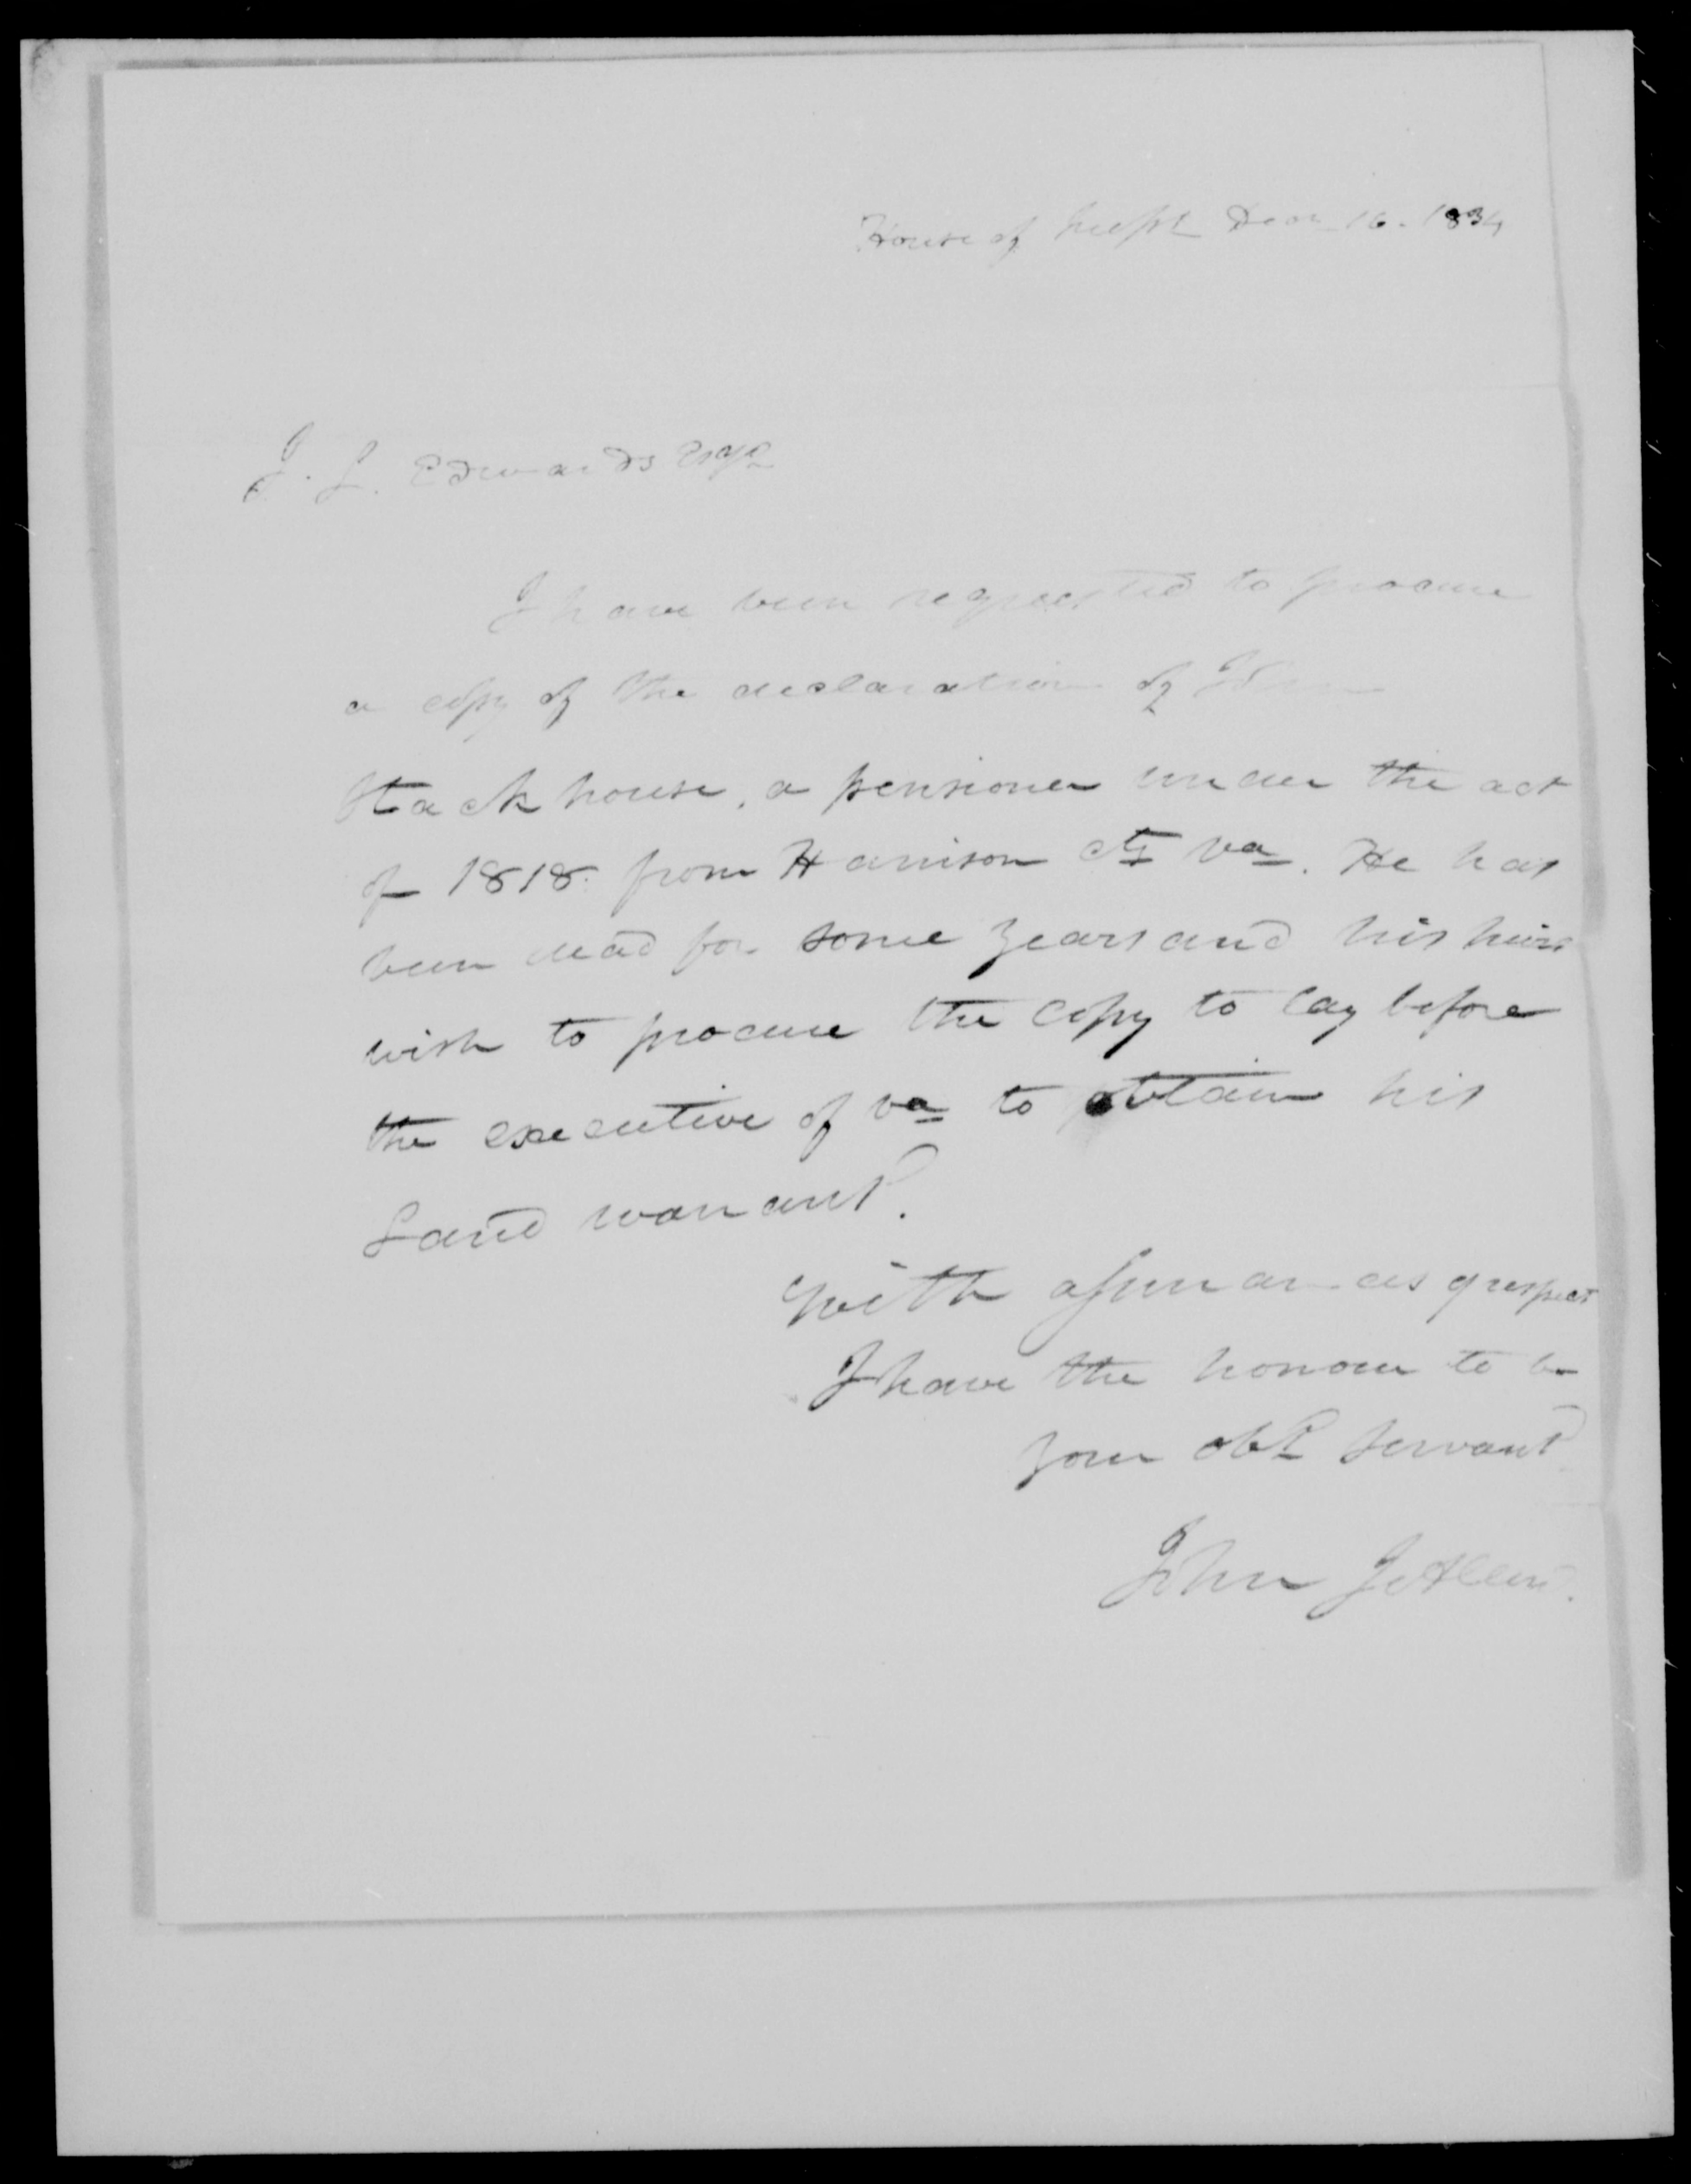House of Reps Decr 16 1834
J. L. Edwards esqr
I have been requested to procure a copy of the declaration of John Stackhouse, a pensioner under the act of 1818 from Harrison Cty Va. He has been dead for some years and his heirs wish to procure the copy to lay before the executive of Va. to obtain his Land warrant.
With a pursuance of respect
I have the honor to be
Your Obt Servant
John J. Allen.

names: J L Edwards; John J Allen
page: 10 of 19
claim: survivor's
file: S. 38,409, for John Stackhouse, Virginia